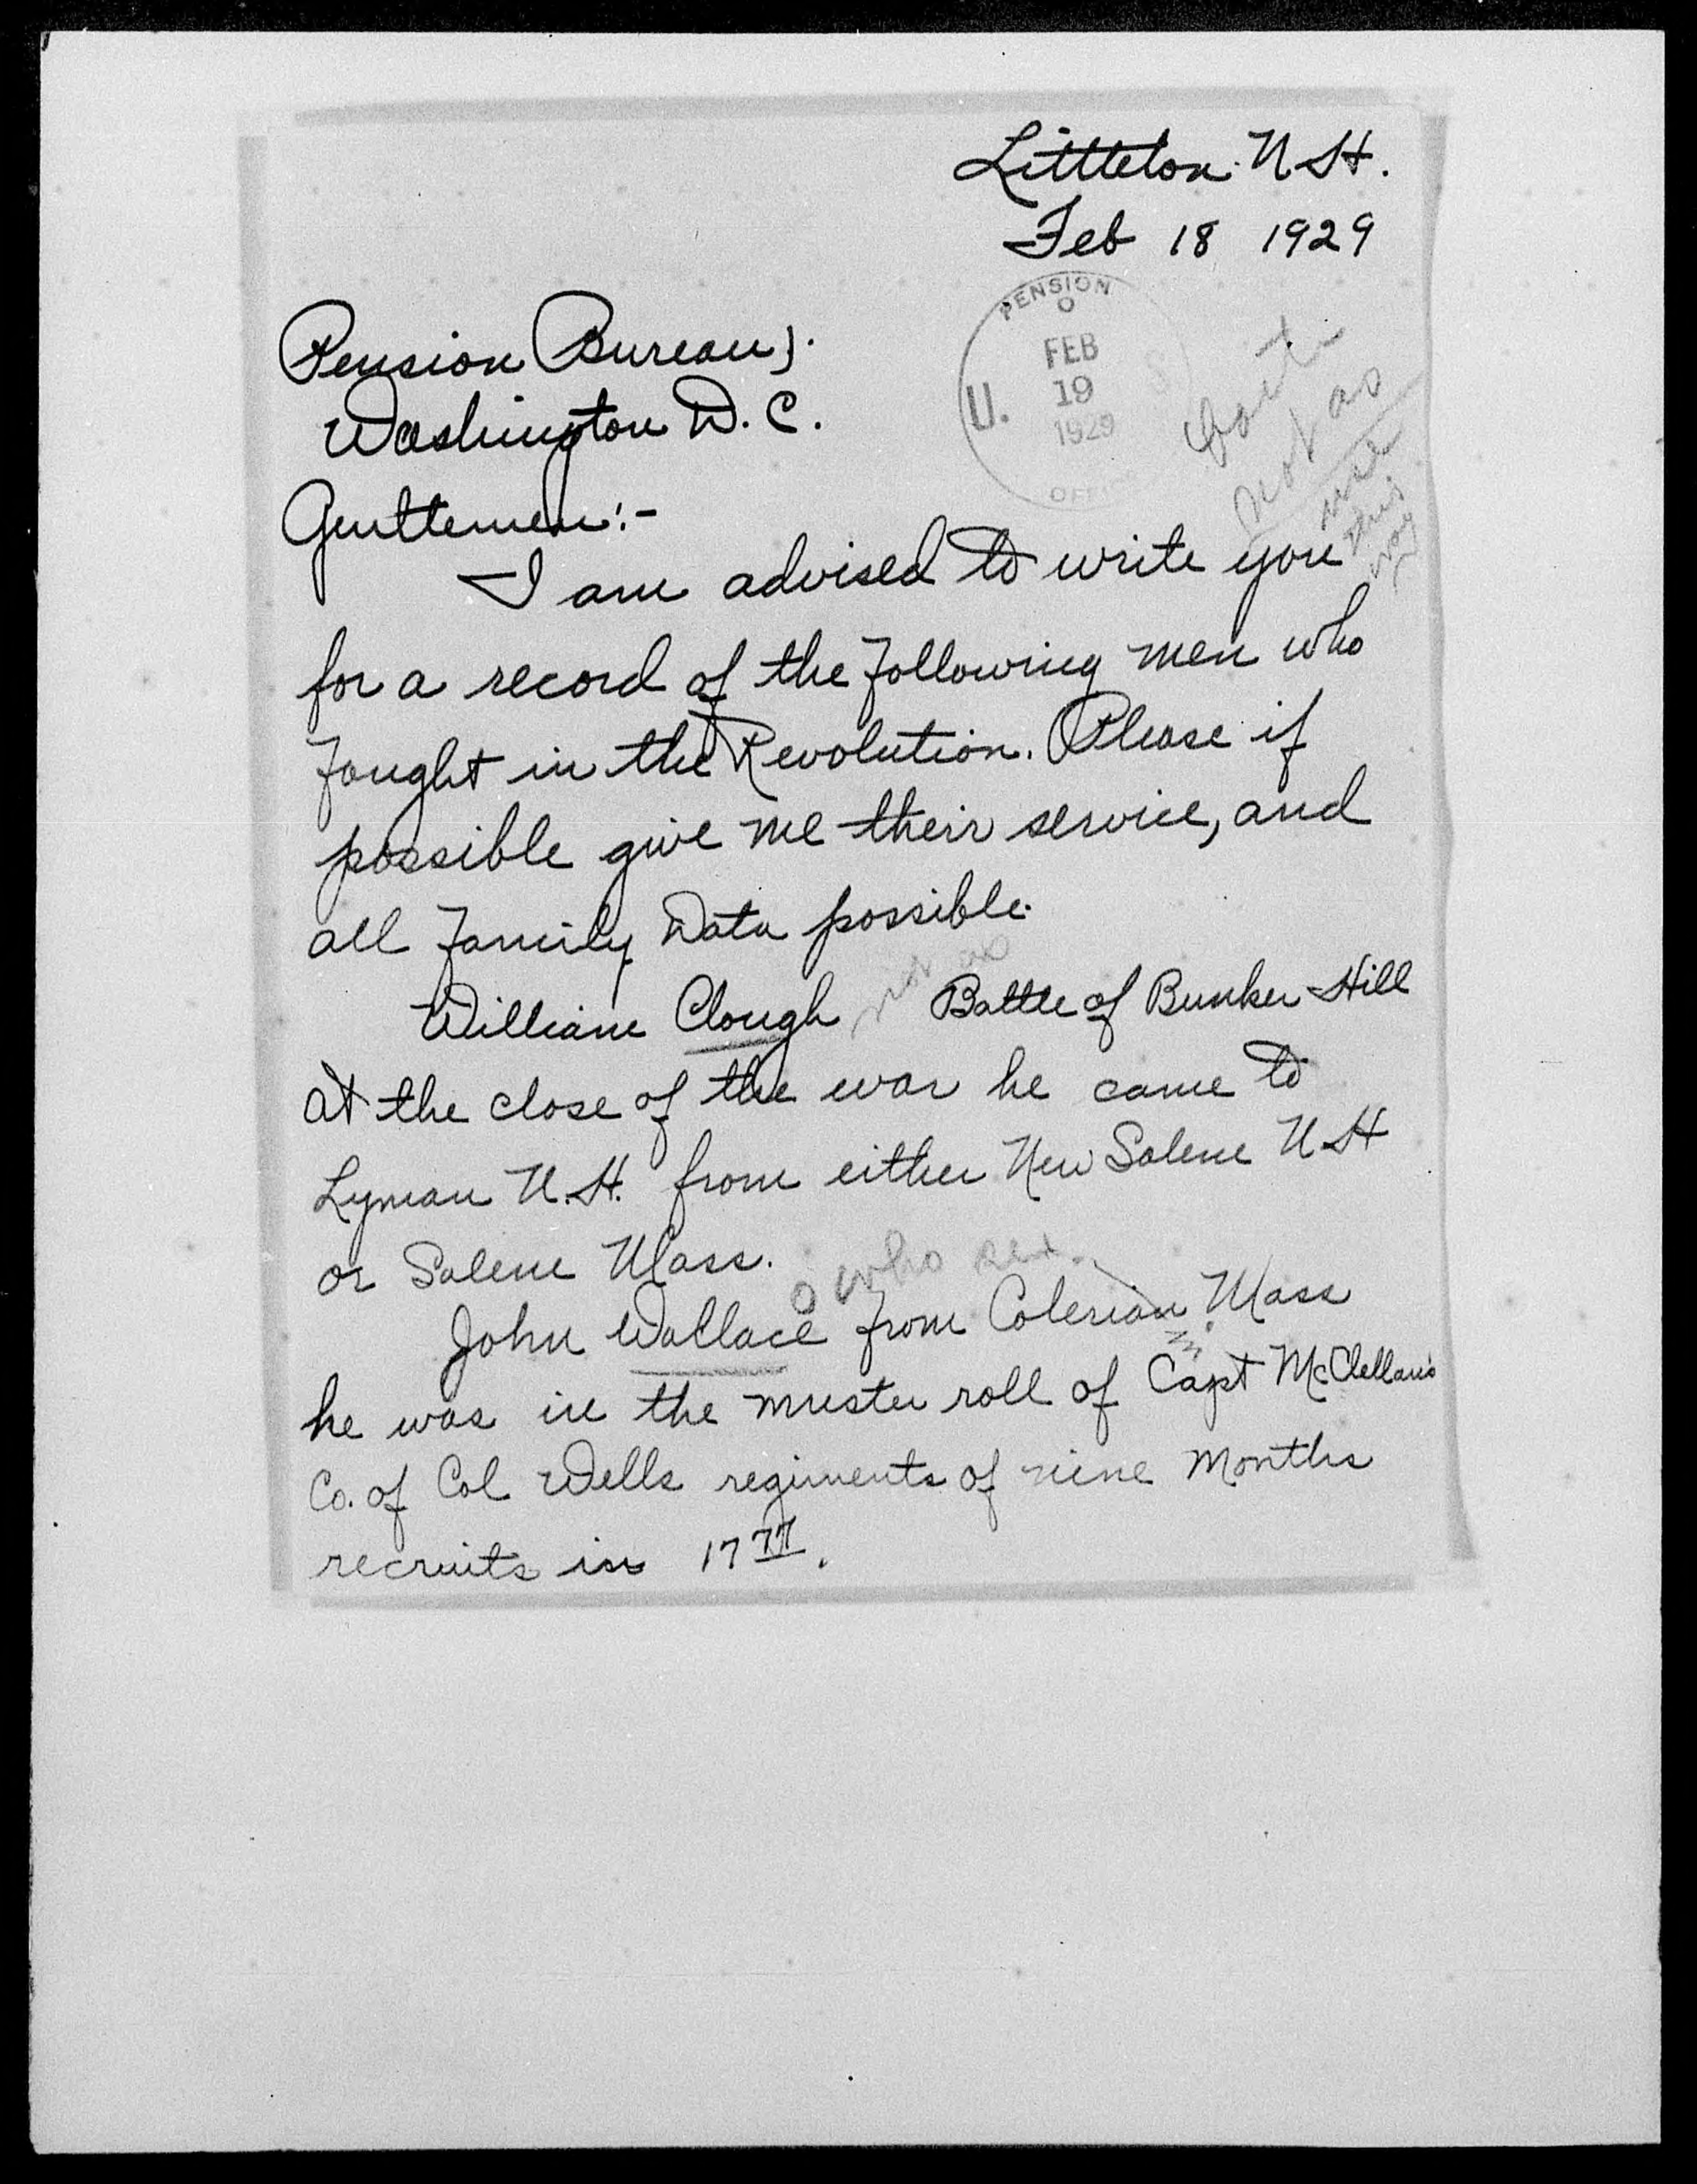Littleton N H. Feb 18 1929 

[postmark PENSION OFFICE FEB 19 1929] Pension Bureau, Washington D.C. Gentlemen:- I am advised to write you for a record of the following men who fought in the Revolution. Please of possible give me their service, and all family data possible. William Clough Battle of Bunker Hill at the close of the war he came to Lyman N. H. from either New Salem NH or Salem Mass.
John Wallace who was in from Colerian Mass he was in the muster roll of Capt McClellan Co. of Col Wells regiments of nine months recruits in 1777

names: John Wallace, William Clough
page: 27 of 67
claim: widow's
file: W. 23183, Jesse Hardy, Mass.